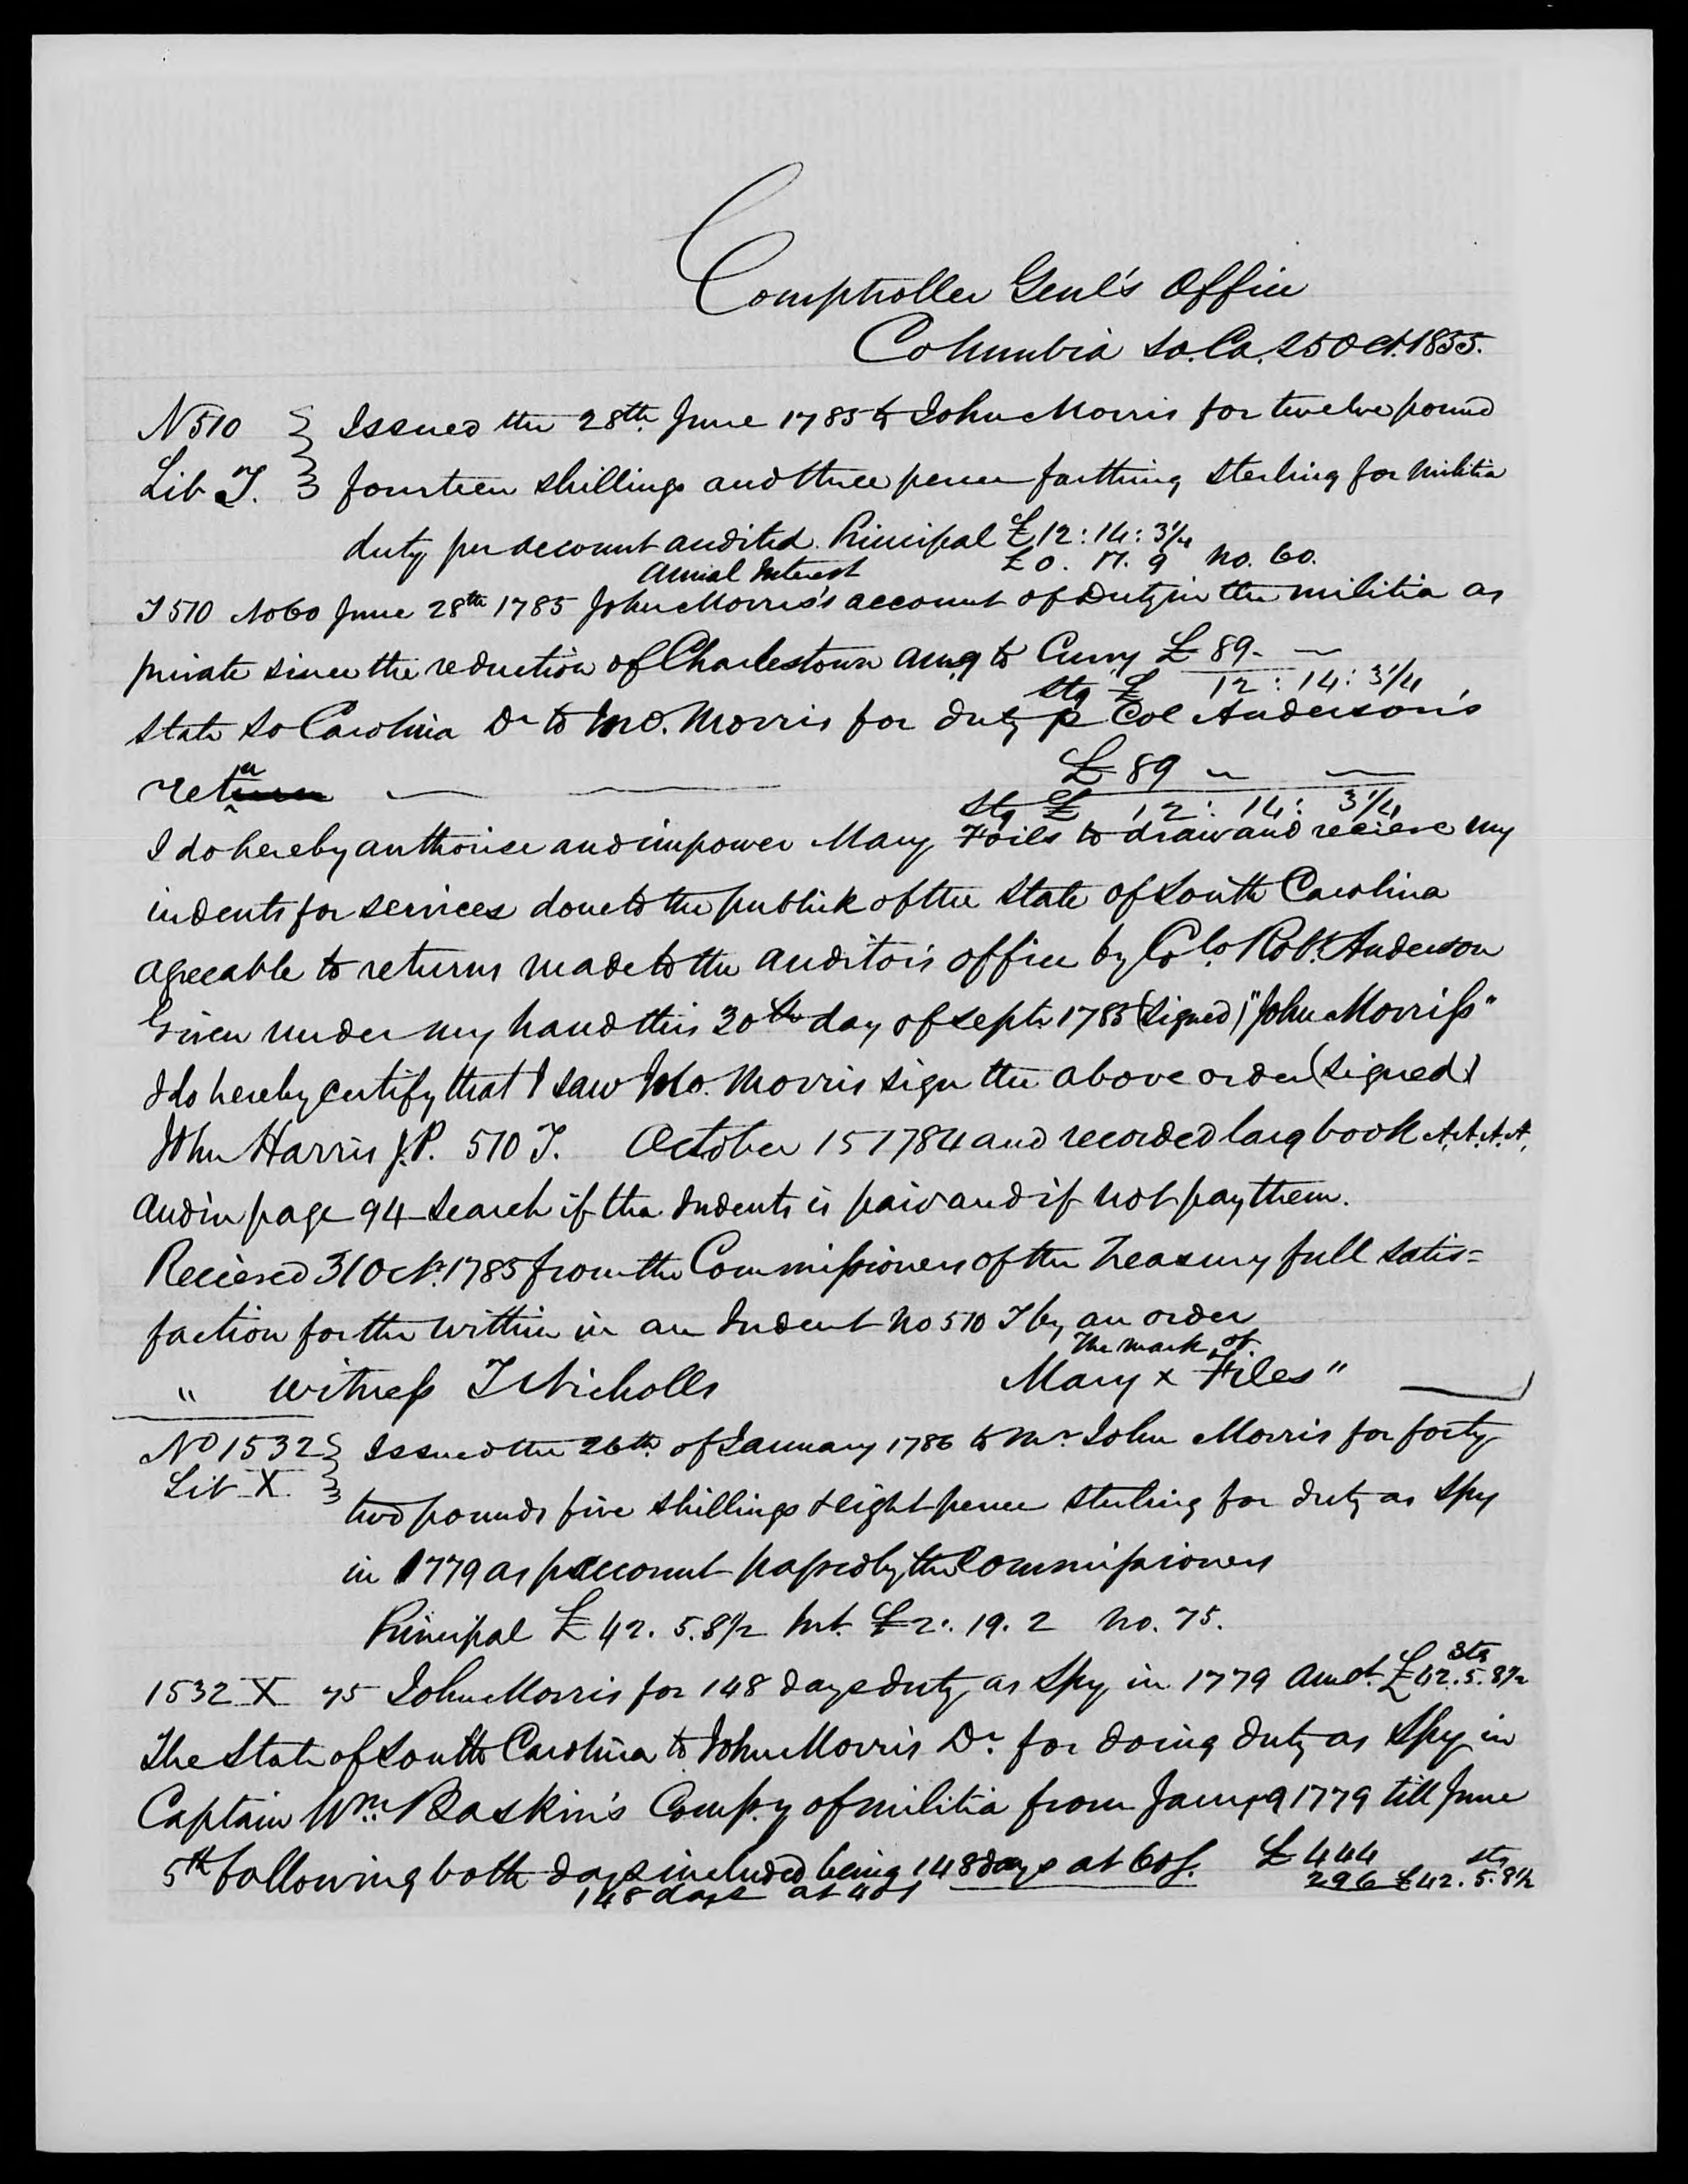Comptroller Genl's office
Columbia So Ca 25 Oct. 1835.
No 510 Lib T
Issued the 28th June 1785 to John Morris for twelve pound fourteen shillings and three pence farthing Sterling for Militia duty per account audited Principal L12.16.3¼
Annual Interest L0.17.9  No. 60

T 510 No 60 June 28th 1785 John Morris's account of duty in the militia as private since the reduction of Charlestown amtg to Curry L89-
Stg L12:14:3¼

State So Carolina to M
Jno. Morris for duty Col Anderson's
return - L89 -
Stg L12.14.3¼

I do hereby authorize and empower Mary Foils to draw and receive my
indents for services done to the publick of the State of South Carolina
agreeable to return made to the auditor's office by Col Robt. Anderson
Given under my hand this 30th day of Sept 1785 (Signed ) John Morriss

I do hereby certify that I saw Jno. Morris sign the above order (signed)
John Harris J.P. 510 T. October 15 1784 and recorded larg book AAAA
and in page 94 search if the Indents is paid and if not pay them.

Received 31 Octr 1785 from the Commissioners of the Treasury full satisfaction for the within in an Indent No. 510 by an order 
witness T.Nicholls, The mark of
Mary Files"

No 1532 Lib X Issued the 26th of January 1786 to Mr John Morris for forty two pounds five shillings & eight pence sterling for duty as spy in 1779 as pr account passed by the Commissioners
Principal L42.5.8 ½ Int L2.19.2 No. 75

1532 X 75 John Morris for 148 days duty as Spy in 1779 amot L42.5.8 ½ 

The State of South Carolina to John Morris Dr. for doing duty as spy in
Captain Wm Baskin's Compy of Militia from Jany 9 1779 till June 5th  & allowing both days included being 148 Days @ 60/ L444
148 days @ 40/ L296
L42.5.8 ½ Stg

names: Robt Anderson; T Nicholls; John Harris; Mary Foils; John Morris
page: 12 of 20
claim: rejected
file: R. 7407, for John Morriss, South Carolina